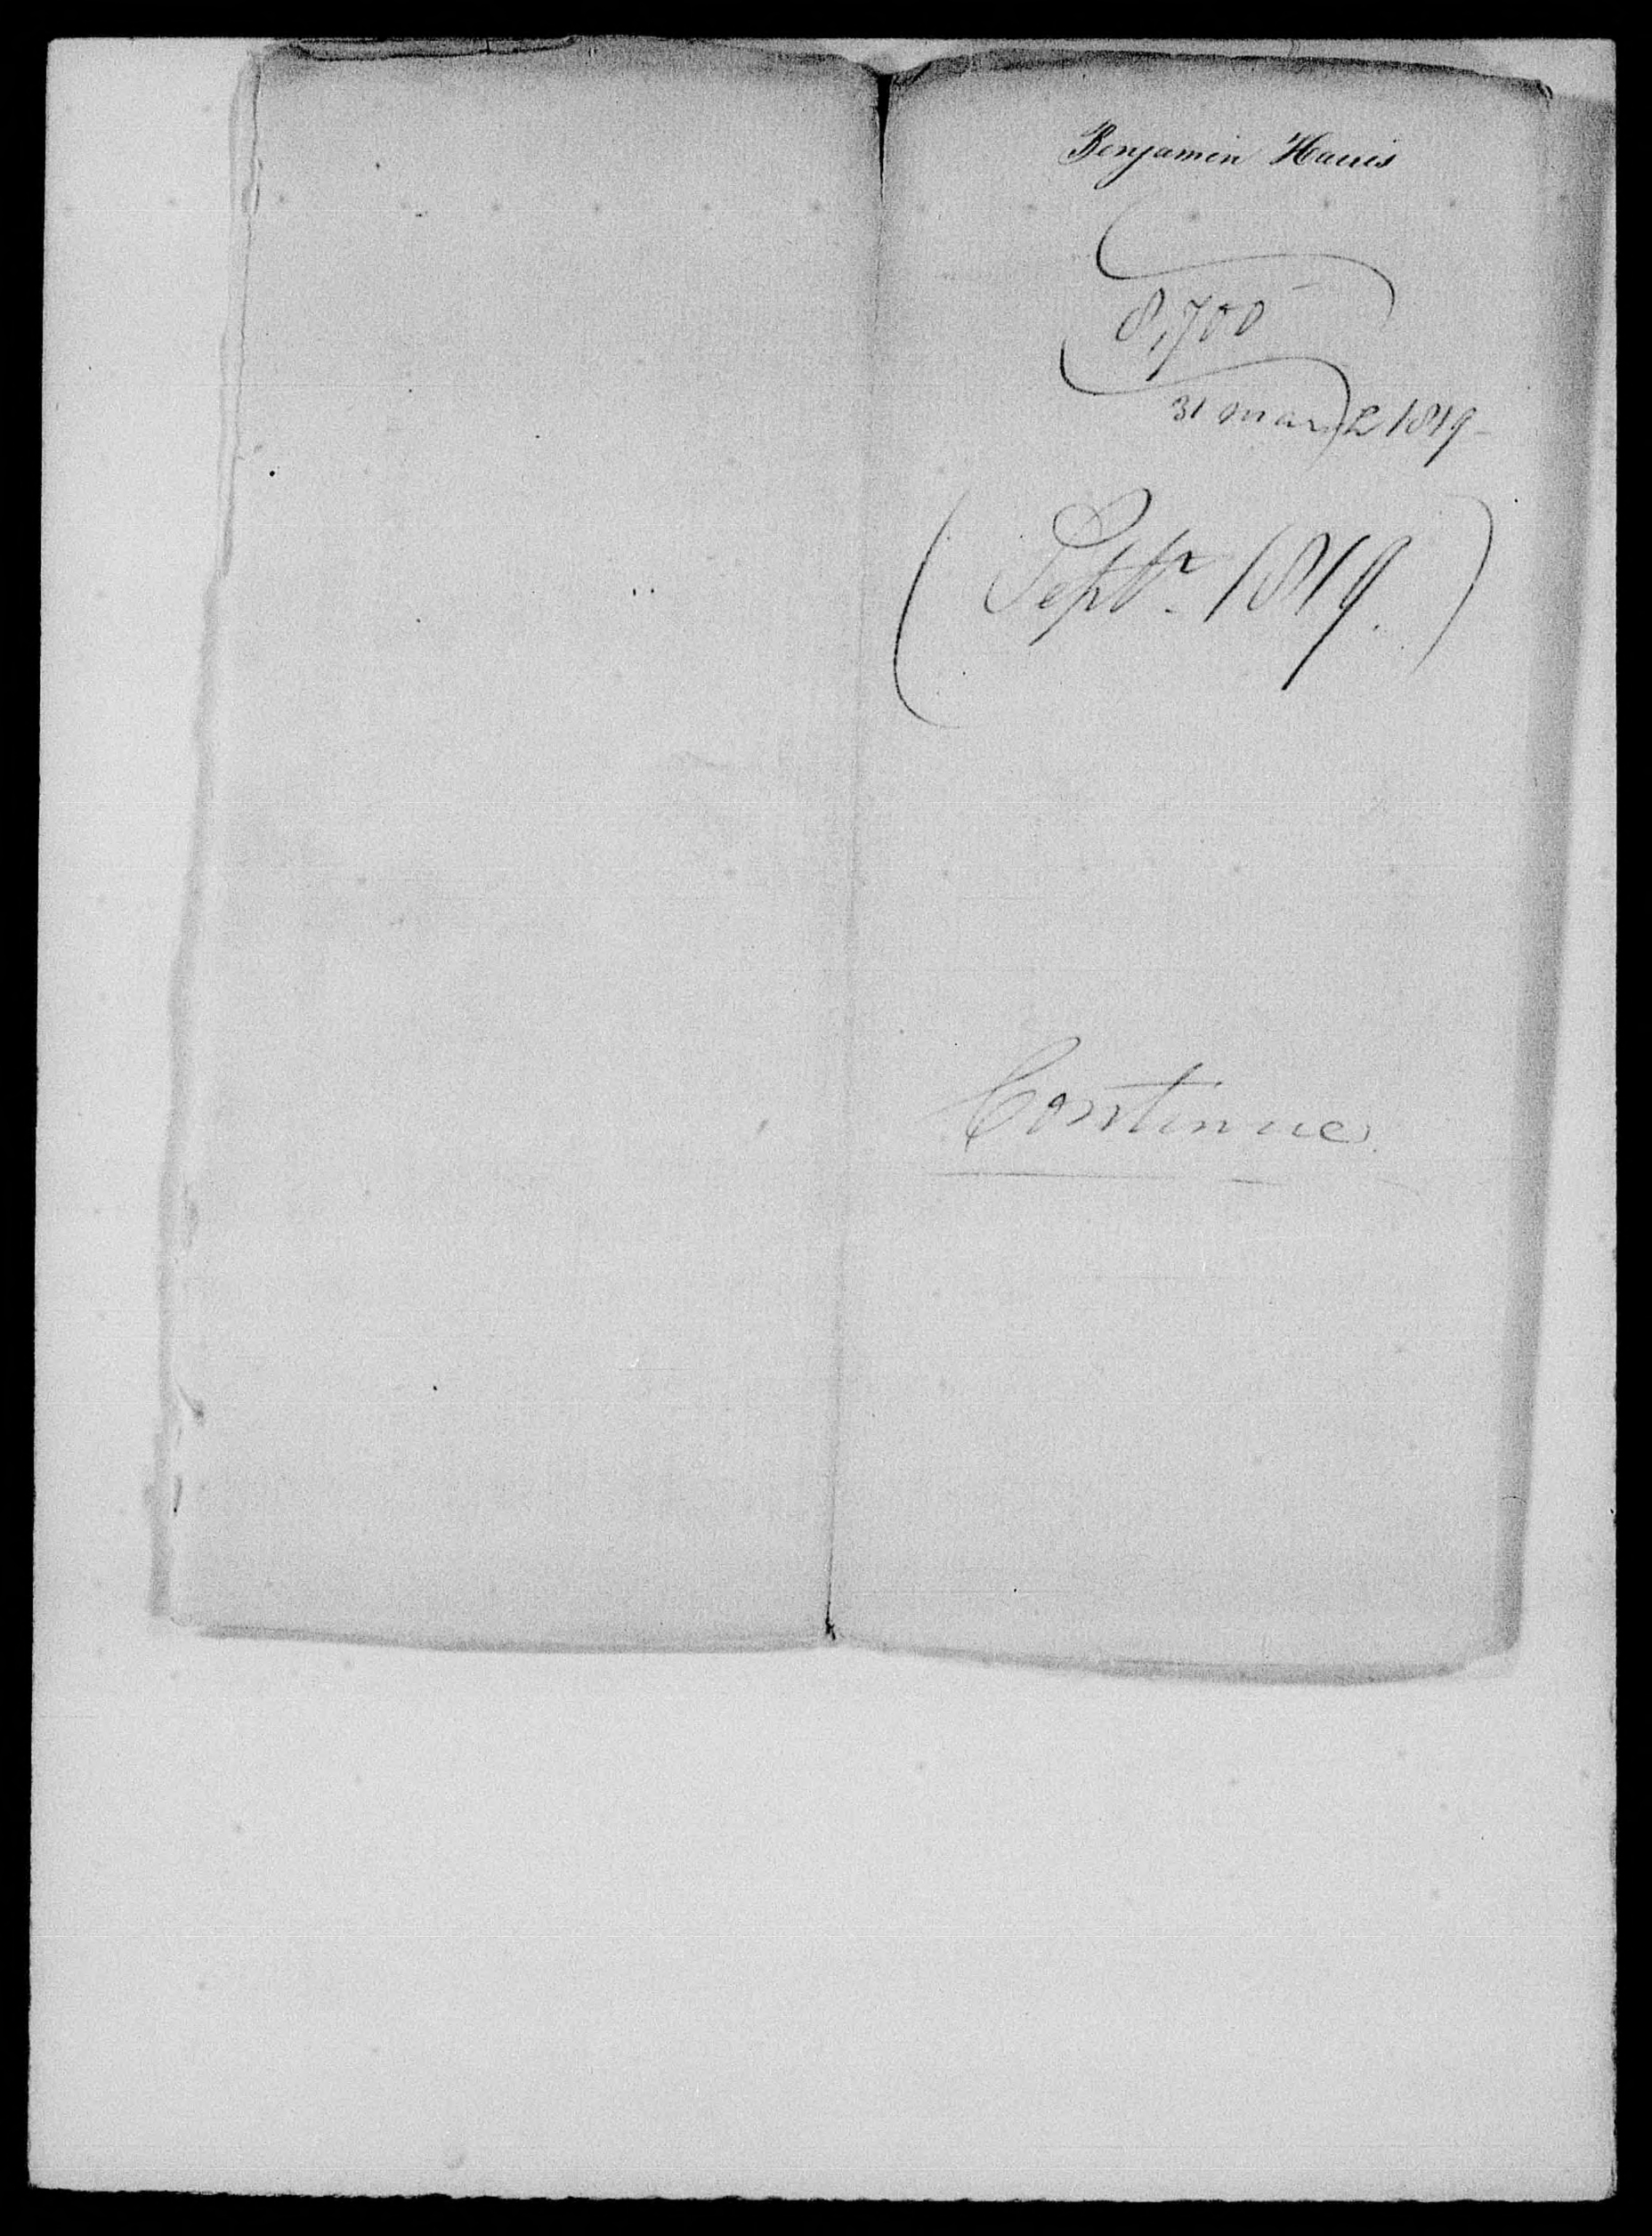Benjamin Harris
8,700
31 March 1819

Sept 1819

Continue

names: Benjamin Harris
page: 7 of 62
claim: survivor's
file: S. 38816, Benjamin Harris, Mass.